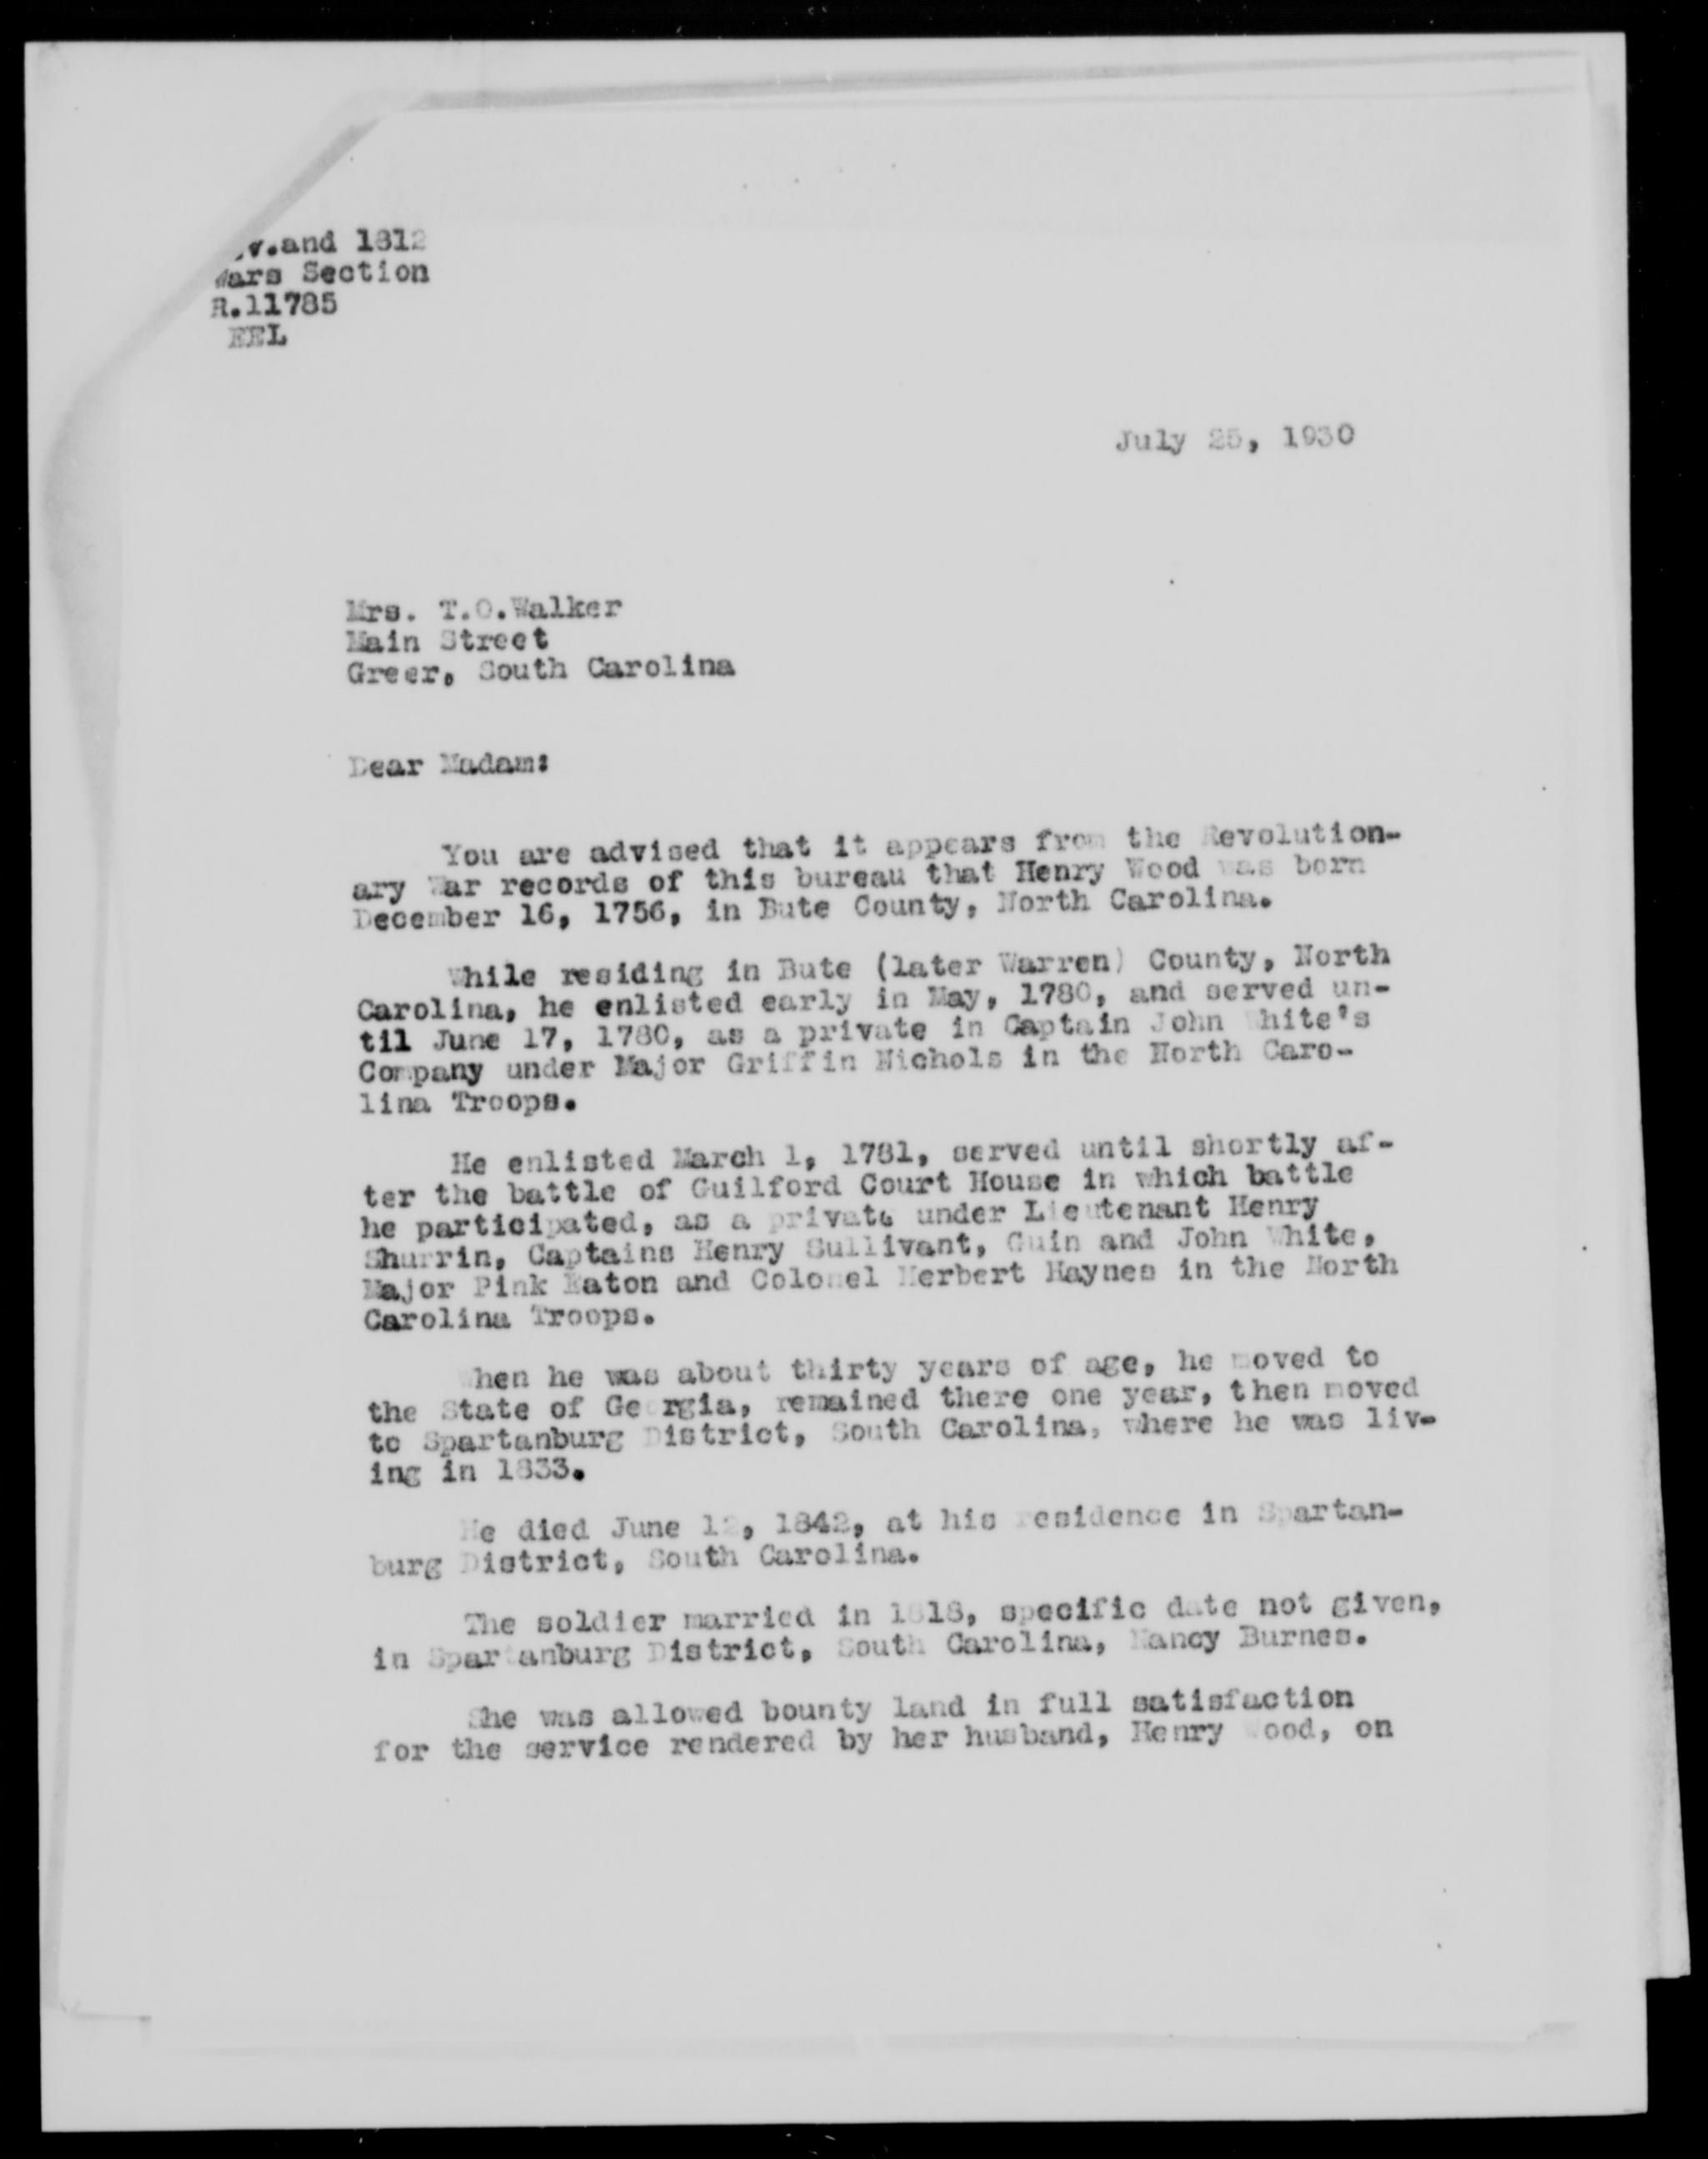Rev. and 1812
Wars Section
R. 11785
EEL
July 25, 1930

Mrs. T.O. Walker
Main Street
Greer, South Carolina

Dear Madam:

You are advised that it appears from the Revolutionary war records of this bureau that Henry Wood was born December 16, 1756, in Bute County, North Carolina.
While residing in Bute (later Warren) County, North Carolina, he enlisted early in May, 1780, and served until June 17, 1780, as a private in Captain John White's Company under Major Griffin Nichols in the North Carolina Troops.
He enlisted March 1, 1781, served until shortly after
the battle of Guilford Court House in which battle
he participated, as a private under Lieutenant Henry
Shurrin, Captains Henry Sullivant, Guin and John White, Major Pink Eaton and Colonel Herbert Haynes in the North Carolina Troops.
When he was about thirty years of age, he moved to
the State of Georgia, remained there one year, then moved to Spartanburg District, South Carolina, where he was living in 1833.
He died June 12, 1842, at his residence in Spartanburg District, South Carolina.
The soldier married in 1818, specific date not given,
in Spartanburg District, South Carolina, Nancy Burnes.
She was allowed bounty land in full satisfaction
for the service rendered by her husband, Henry Wood, on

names: Guin, T O Walker, Pink Eaton, Griffin Nichols, Nancy Burnes, Henry Wood, Henry Shurrin, Henry Sullivant, Herbert Haynes, John White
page: 39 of 40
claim: rejected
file: R. 11785, Henry Wood, N. C.